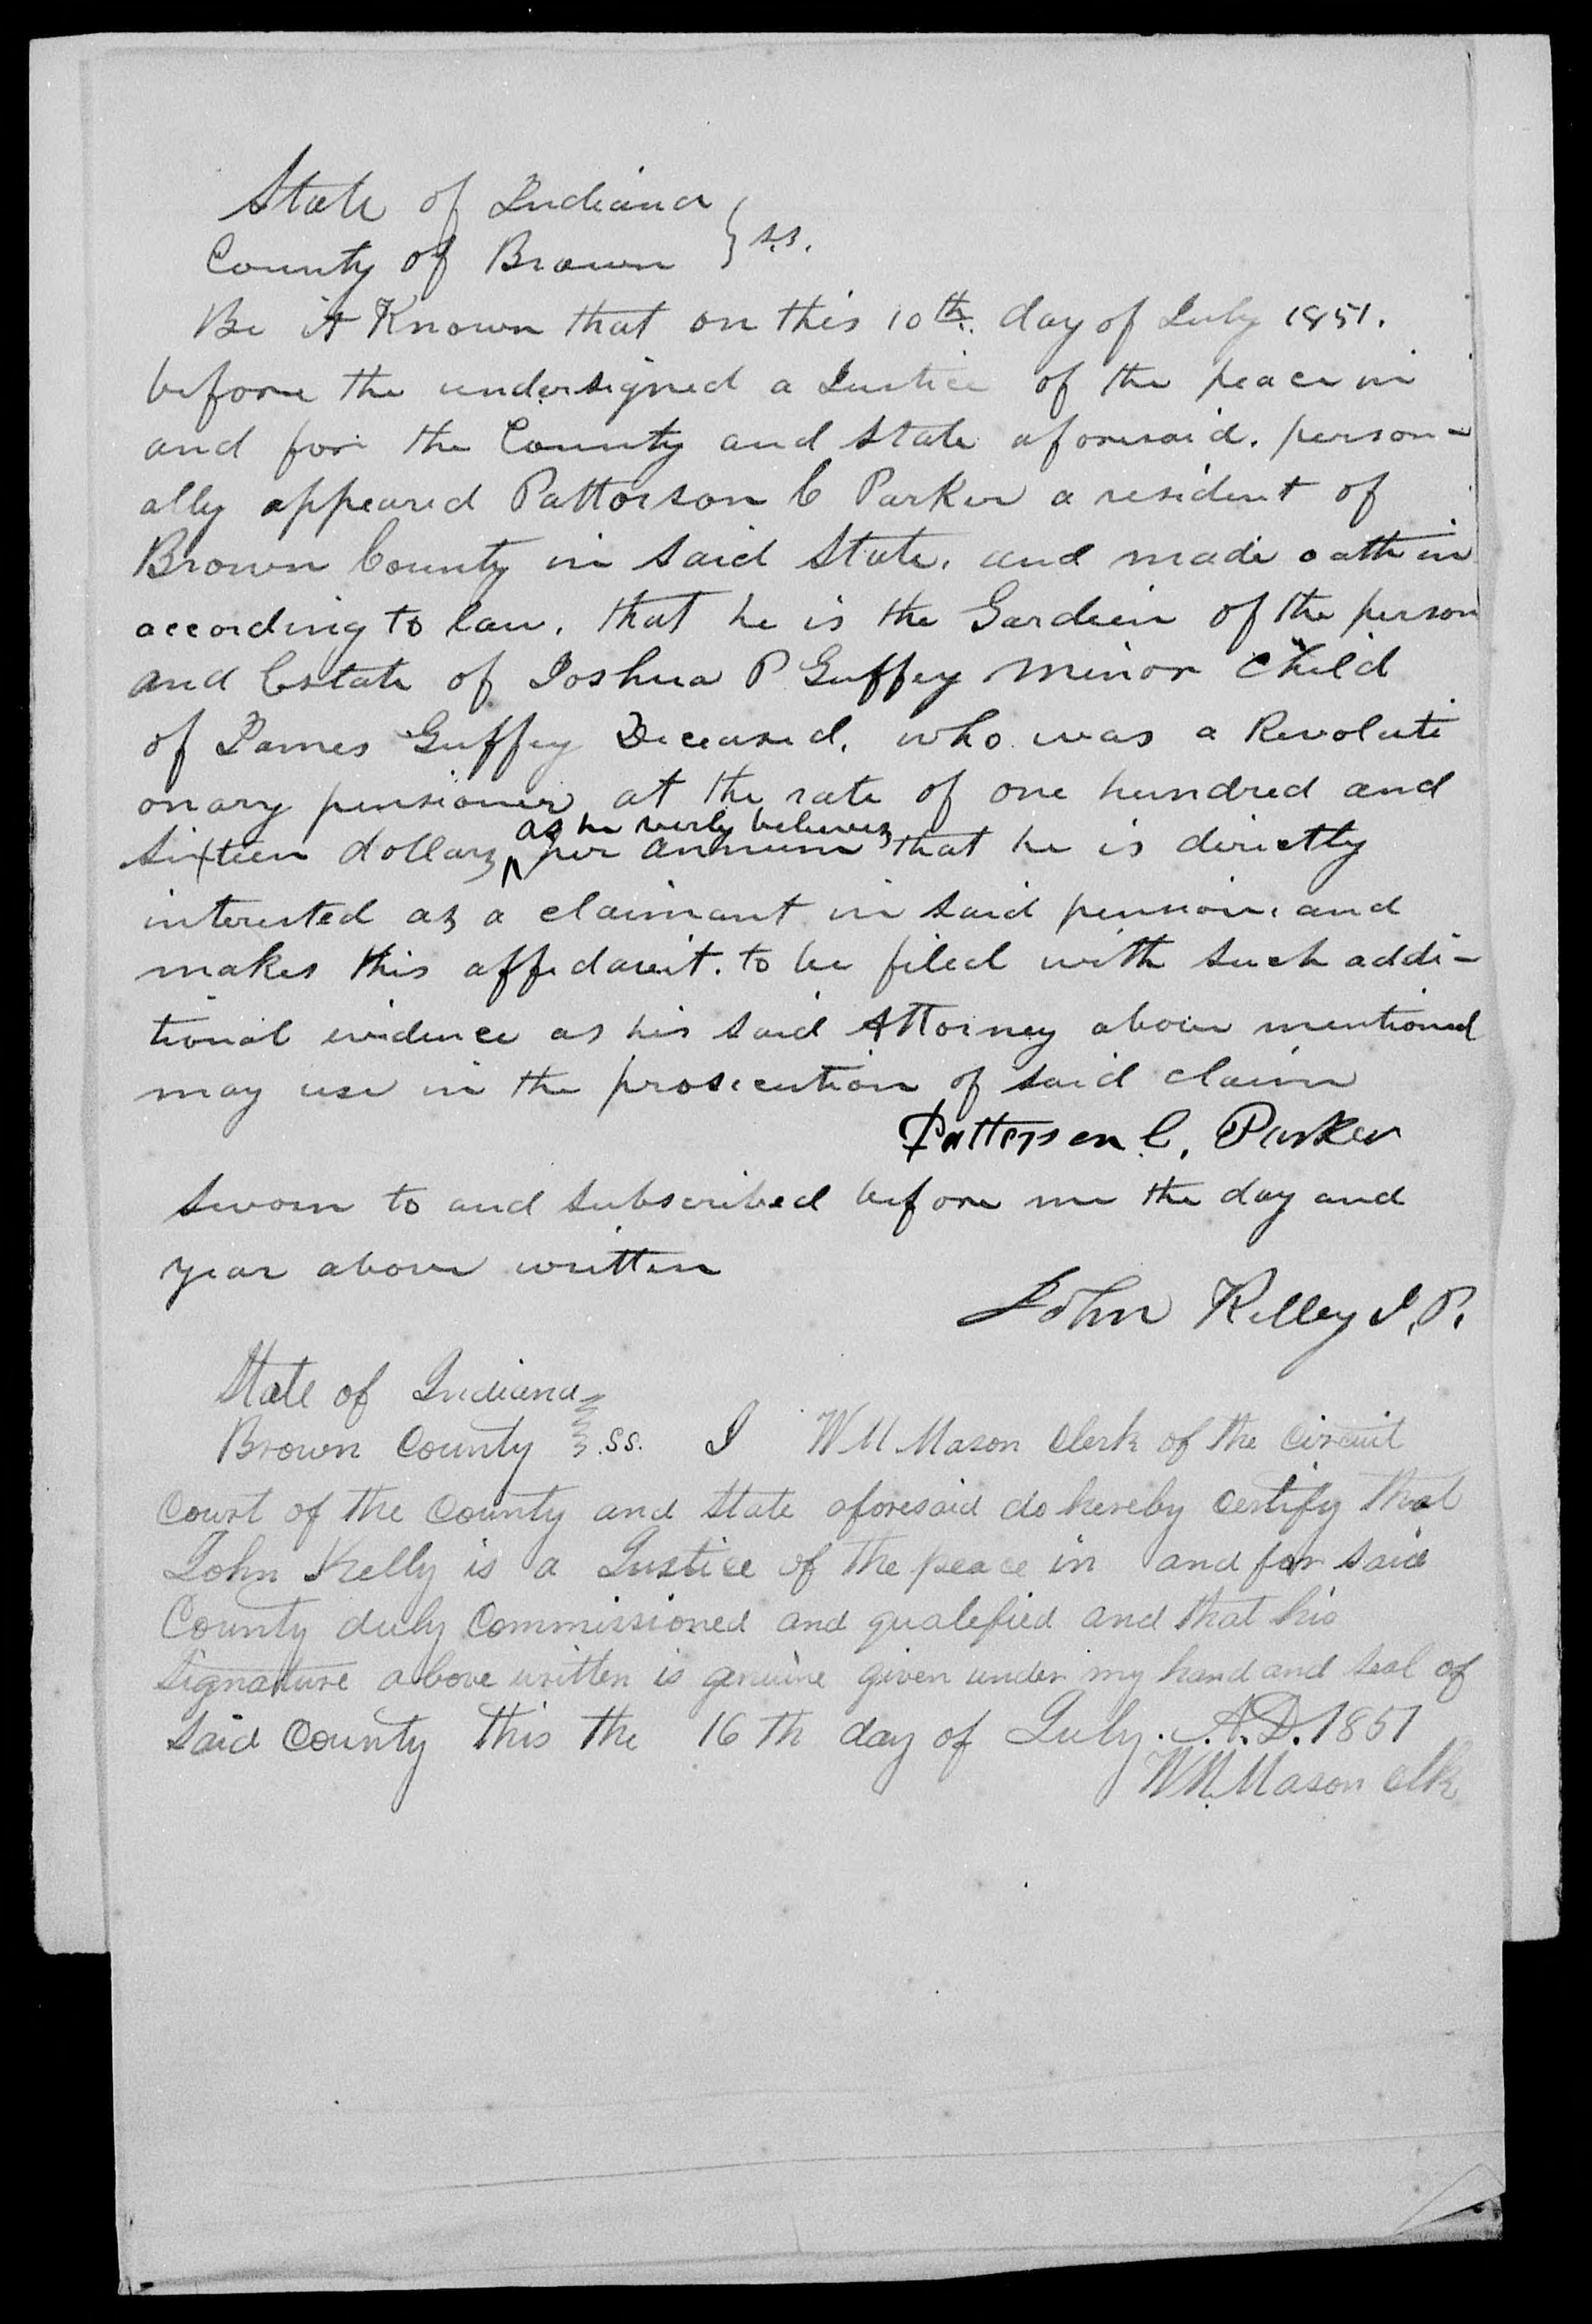State of Indiana   }
County of Brown  }S.S.
Be it Known that on this 10th day of July 1851
before the undersigned a Justice of the peace in and for the County and State aforesaid personally appeared Patterson C Parker a resident of Brown County in said State, and made oath in according to law, that he is the Gardien [sic] of the person and Estate of Joshua P Guffey Minor child of James Guffey deceased who was a Revolutionary pensioner at the rate of one hundred and sixteen dollars as he verily believes, per annum that he is directly
interested as a claimant in said pension, and
makes this affidavit to be filed with such 
additional evidence as his said Attorney above mentioned may use in the prosecution of said claim
Patterson C. Parker
Sworn to and subscribed before me the day and year above written
John Kelley J.P

State of Indiana
Brown County ⎬ SS.
I W M Mason Clerk of the Circuit Court of the County and State aforesaid do hereby certify that John Kelly is a Justice of the peace in and for said County duly commissioned and qualified and that his
Signature above written is genuine Given under my hand and seal of
said County this the 16th day of July 1851
W M Mason clk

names: Joshua P Guffey, James Guffey, W M Mason, Patterson C Parker, W M Mason, Patterson C Parker, John Kelly, John Kelley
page: 14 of 36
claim: survivor's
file: S. 31,718, James Guffey, Penn.